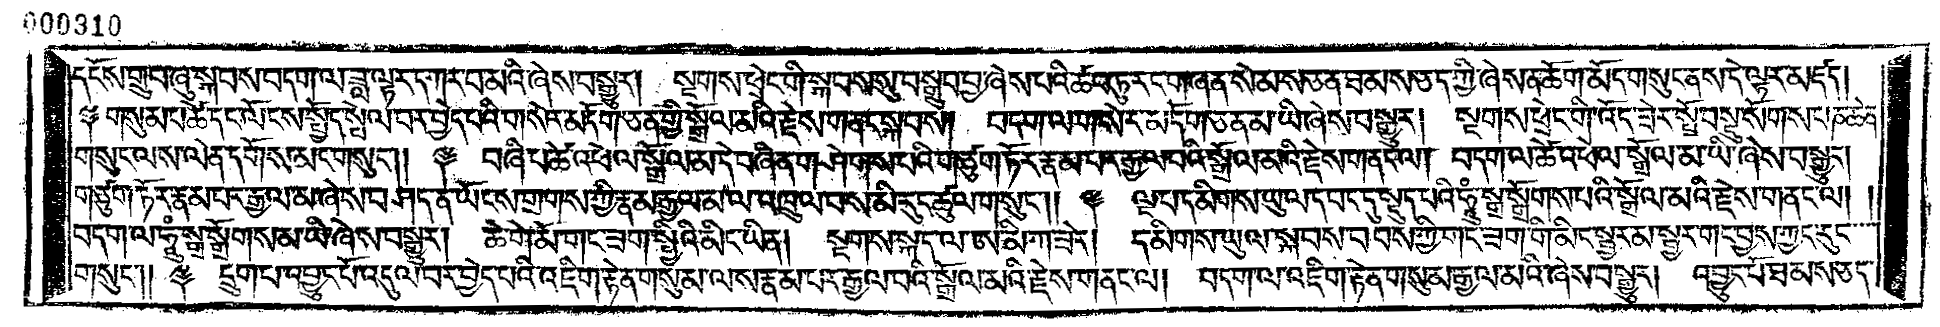དངོས་གྲུབ་ཞུ་སྐབས་བདག་ལ་ཟླ་ལྟར་དཀར་བ་མའི་ཞེས་བསྒྱུར། སྔགས་ཕྲེང་གི་སྐབས་སུ་བསྒྲུབ་བྱ་ཞེས་པའི་ཚབ་ཏུ་རང་གཞན་སེམས་ཅན་ཐམས་ཅད་ཀྱི་ཞེས་ན་ཆོག་མོད་གསུང་ནས་དེ་ལྟར་མཛད།
༈ གསུམ་པ་ཚེ་དང་ལོངས་སྤྱོད་སྤེལ་བར་བྱེད་པའི་གསེར་མདོག་ཅན་གྱི་སྒྲོལ་མའི་རྗེས་གནང་སྐབས། བདག་ལ་གསེར་མདོག་ཅན་མ་ཡི་ཞེས་བསྒྱུར། སྔགས་ཕྲེང་གི་འོད་ཟེར་སྤྲོ་བསྡུ་སོགས་པཎ་ཆེན་
གསུང་ལས་ལེན་དགོས་མང་གསུང།། ༈ བཞི་པ་ཚེ་འཕེལ་སྒྲོལ་མ་དེ་བཞིན་གཤེགས་པའི་གཙུག་ཏོར་རྣམ་པར་རྒྱལ་བའི་སྒྲོལ་མའི་རྗེས་གནང་ལ། བདག་ལ་ཚེ་འཕེལ་སྒྲོལ་མ་ཡི་ཞེས་བསྒྱུར།
གཙུག་ཏོར་རྣམ་པར་རྒྱལ་མ་ཞེས་བཤད་ན་ཡོངས་གྲགས་ཀྱི་རྣམ་རྒྱལ་མ་ལ་འཁྲུལ་བས་མི་རུང་ཚུལ་གསུང།། ༈ ལྔ་པ་དམིགས་ཡུལ་དབང་དུ་སྡུད་པའི་ཧཱུཾ་སྒྲ་སྒྲོགས་པའི་སྒྲོལ་མའི་རྗེས་གནང་ལ། །
བདག་ལ་ཧཱུཾ་སྒྲ་སྒྲོགས་མ་ཡི་ཞེས་བསྒྱུར། ཆེ་གེ་མོ་གང་ཟག་སྤྱིའི་མིང་ཡིན། སྔགས་སྐད་ལ་ཨ་མི་ཀ་ཟེར། དམིགས་ཡུལ་སྐབས་བབས་ཀྱི་གང་ཟག་གི་མིང་སྦྱར་མ་སྦྱར་གང་བྱས་ཀྱང་རུང་
གསུང།། ༈ དྲུག་པ་འབྱུང་པོ་འདུལ་བར་བྱེད་པའི་འཇིག་རྟེན་གསུམ་ལས་རྣམ་པར་རྒྱལ་བའི་སྒྲོལ་མའི་རྗེས་གནང་ལ། བདག་ལ་འཇིག་རྟེན་གསུམ་རྒྱལ་མའི་ཞེས་བསྒྱུར། འབྱུང་པོ་ཐམས་ཅད་